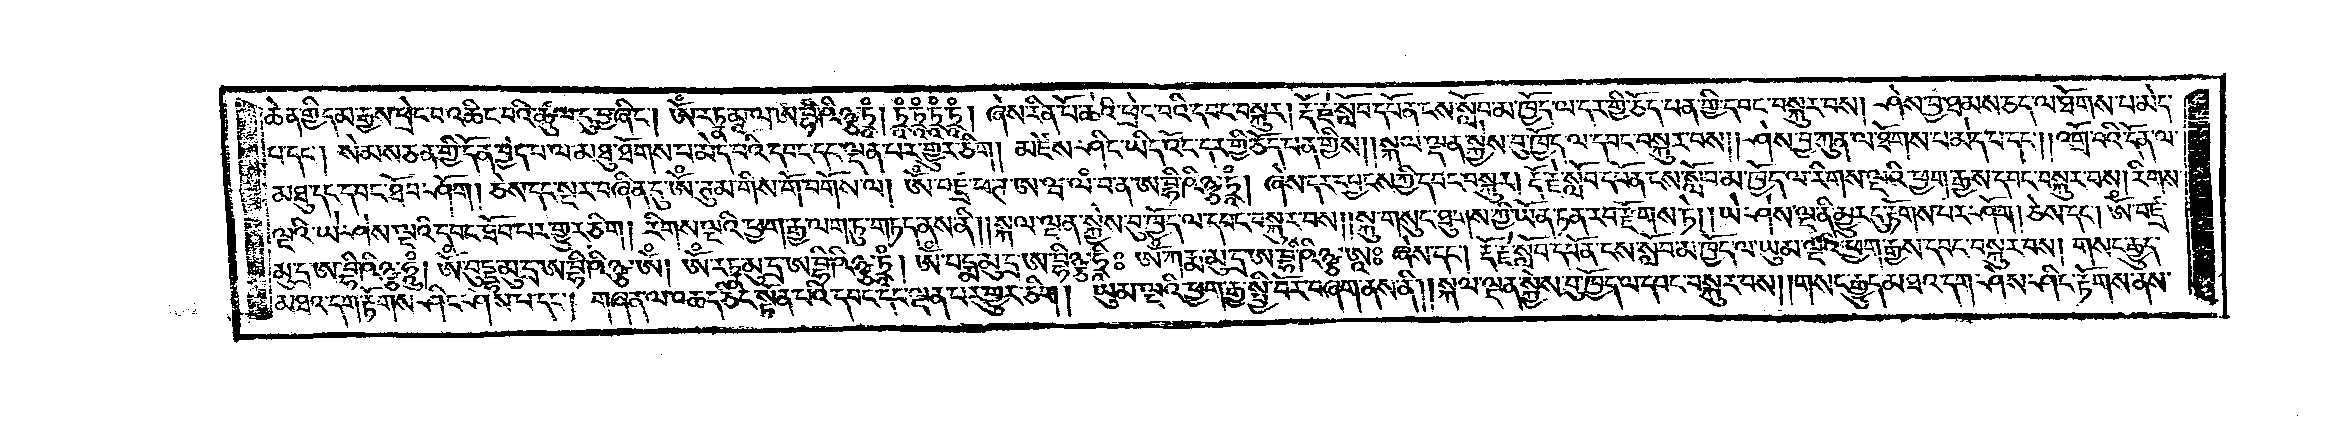ཆེན་གྱི་དམ་རྒྱས་ཕྲེང་བ་འཚིང་པའི་ཚུལ་དུ་བྱ་ཞིང་། ཨོཾ་རཏྣ་མཱ་ལ་ཨ་བྷི་ཥིཉྩ་ཏྲཱཾ། ཏྲཱཾ་ཏྲཱཾ་ཏྲཱཾ་ཏྲཱཾ། ཞེས་རིན་པོ་ཆེའི་ཕྲེང་བའི་དབང་བསྐུར། རྡོ་རྗེ་སློབ་དཔོན་ངས་སློབ་མ་ཁྱོད་ལ་དར་གྱི་ཅོད་པན་གྱི་དབང་བསྐུར་བས། ཤེས་བྱ་ཐམས་ཅད་ལ་ཐོགས་པ་མེད་
པ་དང་། སེམས་ཅན་གྱི་དོན་བྱེད་པ་ལ་མཐུ་ཐོགས་པ་མེད་པའི་དབང་དང་ལྡན་པར་གྱུར་ཅིག །མཛེས་ཤིང་ཡིད་འོང་དར་གྱི་ཅོད་པན་གྱིས། །སྐལ་ལྡན་སྐྱེས་བུ་ཁྱོད་ལ་དབང་བསྐུར་བས། །ཤེས་བྱ་ཀུན་ལ་ཐོགས་པ་མེད་པ་དང་། །འགྲོ་བའི་དོན་ལ་
མཐུ་དང་དབང་ཐོབ་ཤོག །ཅེས་དང་སྔར་བཞིན་དུ་ཨོཾ་ཊུམ་གིས་གོ་བགོས་ལ། ཨོཾ་བཛྲ་ཕཊ་ཨ་ཝ་ལཾ་བ་ན་ཨ་བྷི་ཥིཉྩ་ཏྲཱཾ། ཞེས་དར་དབྱངས་ཀྱི་དབང་བསྐུར། རྡོ་རྗེ་སློབ་དཔོན་ངས་སློང་མ་ཁྱོད་ལ་རིགས་ལྔའི་ཕྱག་རྒྱས་དབང་བསྐུར་བས། རིགས་
ལྔའི་ཡེ་ཤེས་ལྔའི་དབང་ཐོབ་པར་གྱུར་ཅིག །རིགས་ལྔའི་ཕྱག་རྒྱ་ལག་ཏུ་གཏད་ནས་ནི། །སྐལ་ལྡན་སྐྱེས་བུ་ཁྱོད་ལ་དབང་བསྐུར་བས། །སྐུ་གསུང་ཐུགས་ཀྱི་ཡོན་ཏན་རབ་རྫོགས་ཏེ། །ཡེ་ཤེས་ལྔ་ནི་མྱུར་དུ་རྟོགས་པར་ཤོག །ཅེས་དང་། ཨོཾ་བཛྲ་
མུ་དྲ་ཨ་བྷི་ཥིཉྩ་ཧཱུཾ། ཨོཾ་བུདྡྷ་མུ་དྲ་ཨ་བྷི་ཥིཉྩ་ཨོཾ། ཨོཾ་རཏྣ་མུ་དྲ་ཨ་བྷི་ཥིཉྩ་ཏྲཱཾ། ཨོཾ་པདམ་མུ་དྲ་ཨ་བྷིཉྩ་ཧྲཱིཿ ཨོཾ་ཀརྨ་མུ་དྲ་ཨ་བྷི་ཥིཉྩ་ཨཱཿ ཞེས་དང་། རྡོ་རྗེ་སློབ་དཔོན་ངས་སློབ་མ་ཁྱོད་ལ་ཡུམ་ལྔའི་ཕྱག་རྒྱས་དབང་བསྐུར་བས། གསང་རྒྱུད་
མཐའ་དག་རྟོགས་ཤིང་ཤེས་པ་དང་། གཞན་ལ་འཆད་ཅིང་སྟོན་པའི་དབང་དང་ལྡན་པར་གྱུར་ཅིག །ཡུམ་ལྔའི་ཕྱག་རྒྱ་སྤྱི་བོར་བཞག་ནས་ནི། །སྐལ་ལྡན་སྐྱེས་བུ་ཁྱོད་ལ་དབང་བསྐུར་བས། །གསང་རྒྱུད་མཐའ་དག་ཤེས་ཤིང་རྟོགས་ནས་